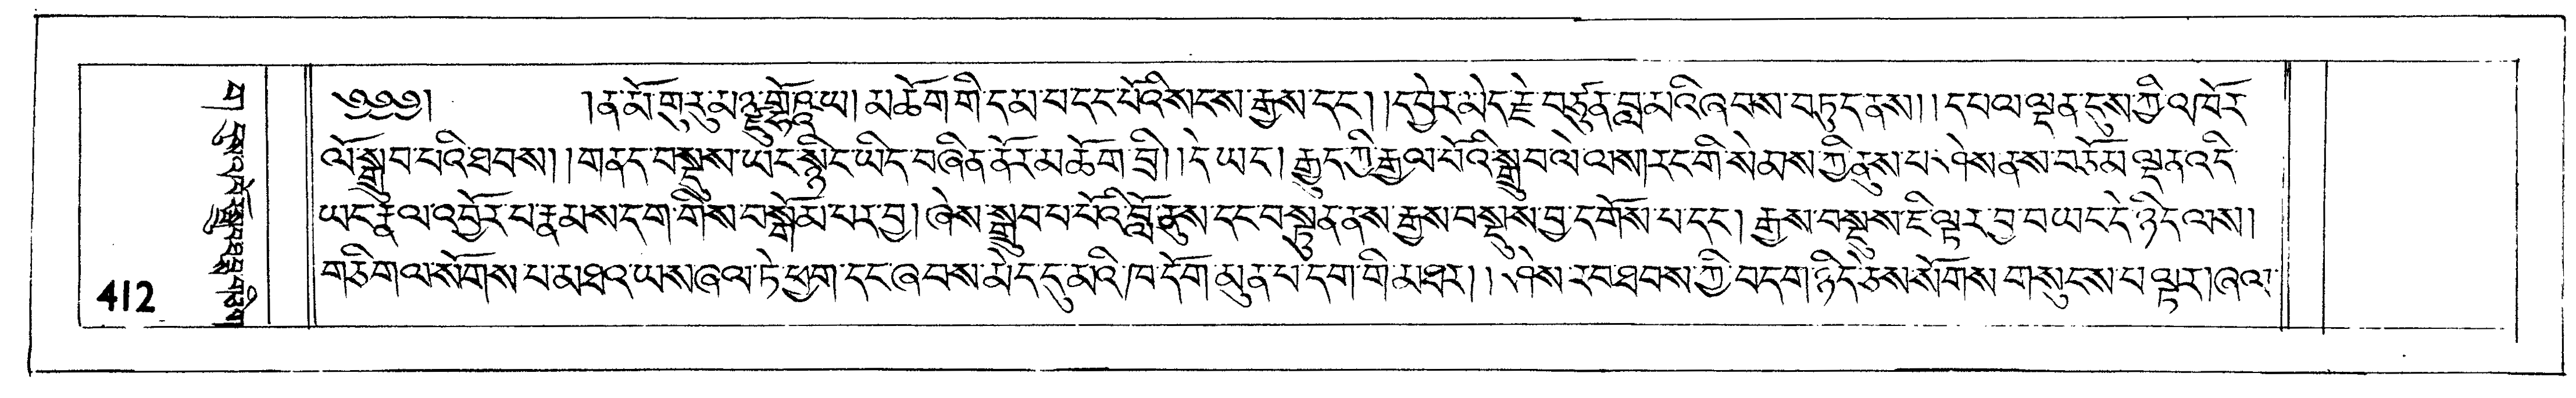༄༅༅། །ན་མོ་གུ་རུ་མཉྫུ་གྷོ་ཥཱ་ཡ། མཆོག་གི་དམ་པ་དང་པོའི་སངས་རྒྱས་དང་། །དབྱེར་མེད་རྗེ་བཙུན་བླ་མའི་ཞབས་བཏུད་ནས། །དཔལ་ལྡན་དུས་ཀྱི་འཁོར་
ལོ་སྒྲུབ་པའི་ཐབས། །གནད་བསྡུས་ཡང་སྙིང་ཡིད་བཞིན་ནོར་མཆོག་བྲི། །དེ་ཡང་། རྒྱུད་ཀྱི་རྒྱལ་པོའི་སྒྲུབ་ལེ་ལས། རང་གི་སེམས་ཀྱི་ནུས་པ་ཤེས་ནས་བཅོམ་ལྡན་འདི་
ཡང་རྣལ་འབྱོར་པ་རྣམས་དག་གིས་བསྒོམ་པར་བྱ། ཞེས་སྒྲུབ་པ་པོའི་བློ་ནུས་དང་བསྟུན་ནས་རྒྱས་བསྡུས་བྱ་དགོས་པ་དང་། རྒྱས་བསྡུས་ཇི་ལྟར་བྱ་བ་ཡང་དེ་ཉིད་ལས།
གཅིག་ལ་སོགས་པ་མཐའ་ཡས་ཞལ་ཏེ་ཕྱག་དང་ཞབས་མེད་དུ་མའི་ཁ་དོག་མུན་པ་དག་གི་མཐར། །ཤེས་རབ་ཐབས་ཀྱི་བདག་ཉིད་ཅེས་སོགས་གསུངས་པ་ལྟར། ཞལ་